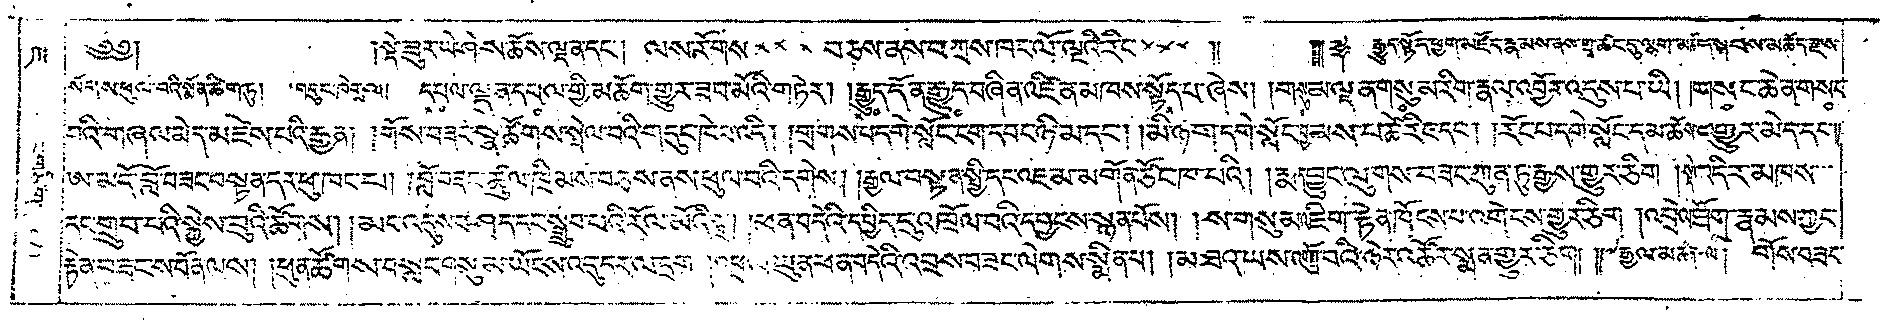༄༅། །སྡེ་ཟུར་ཡེ་ཤེས་ཆོས་ལྡན་དང་། ལས་རོགས་྾་྾་྾་བཅས་ནས་བཀྲས་ཁང་ལོ་ལྔའི་རིང་྾་྾་྾།། །།༈ རྒྱུད་སྟོད་ཕྱག་མཛོད་རྣམས་ནས་གྲྭ་ཚང་དུ་ལྷག་མཆོད་སྐབས་མཆོད་རྫས་
སོགས་ཕུལ་བའི་སྨོན་ཚིག་ཏུ། །གདུང་ཁེབས་ལ། དཔལ་྾྾་ལྡན་྾་དཔལ྾་གྱི་མཆོག་གྱུར་ཟབ་མོའི་གཏེར། །རྒྱུད་྾྾་དོན་རྒྱུད྾་བཞིན་འཛིན་མཁས་སྟོད་྾་པ་ཞེས། །གསུམ྾་ལྡན་གསུམ྾་རིག་རྣལ་འབྱོར་འདུས་པ་ཡི། །གསང྾་ཆེན་གསང྾་
བའི་གཞལ་མེད་མཛེས་པའི་རྒྱན། །གོས་བཟང་སྣ་ཚོགས་སྤེལ་བའི་གདུང་ཁེབ་འདི། །གྲགས་པ་དགེ་སློང་ངག་དབང་ཉི་མ་དང་། །མི་ཉག་དགེ་སློང་བྱམས་པ་ཚེ་རིང་དང་། །རོང་པ་དགེ་སློང་དམ་ཆོས་འགྱུར་མེད་དང་། །
ཨ་མདོ་བློ་བཟང་བསྟན་དར་ཕུ་ཁང་པ། །བློ་བཟང་ཚུལ་ཁྲིམས་བཅས་ནས་ཕུལ་བའི་དགེས། །རྒྱལ་བསྟན་སྤྱི་དང་འཇམ་མགོན་ཙོང་ཁ་པའི། །རྨད་བྱུང་ལུགས་བཟང་ཀུན་ཏུ་རྒྱས་གྱུར་ཅིག །སྡེ་འདིར་མཁས་
དང་གྲུབ་པའི་སྐྱེས་བུའི་ཚོགས། །མང་འདུས་བཤད་དང་སྒྲུབ་པའི་རོལ་མོའི་སྒྲ། །ཕན་བདེའི་དཔྱིད་དུ་འཁྲོལ་བའི་དབྱངས་སྙན་པོས། །ས་གསུམ་འཇིག་རྟེན་ཁོངས་པ་འགེངས་གྱུར་ཅིག །འབྲེལ་ཐོག་རྣམས་ཀྱང་
རྟེན་བཟང་ས་བོན་ལས། །ཕུན་ཚོགས་བསླབ་གསུམ་ཡོངས་འདུ་དར་ལ་དྲག །འཕྲལ་ཡུན་ཕན་བདེའི་འབྲས་བཟང་ལེགས་སྨིན་པ། །མཐའ་ཡས་འགྲོ་བའི་ཉེར་འཚོར་སྨན་གྱུར་ཅིག ། །།༧་རྒྱལ་མཚན་ལ།  གོས་བཟང་